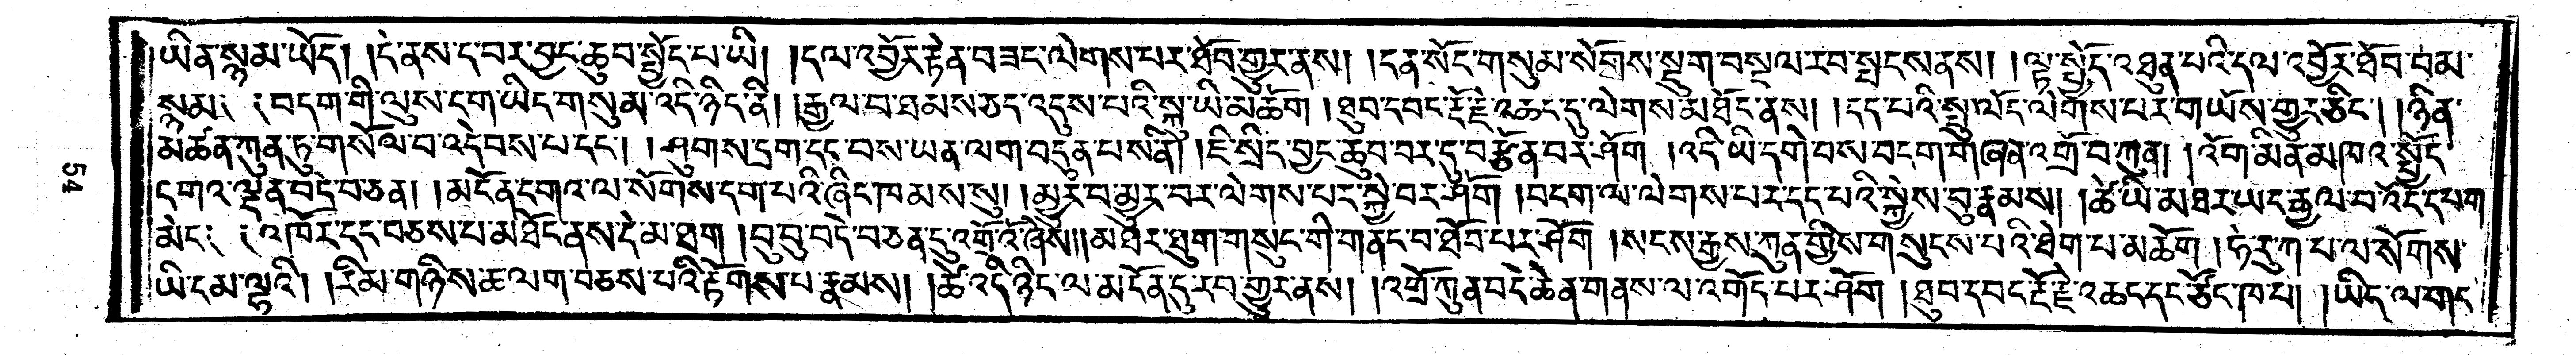ཡིན་སྙམ་ཡོད། །དེ་ནས་ད་བར་བྱང་ཆུབ་སྤྱོད་པ་ཡི། །དལ་འབྱོར་རྟེན་བཟང་ལེགས་པར་ཐོབ་གྱུར་ནས། །ངན་སོང་གསུམ་སོགས་སྡུག་བསྔལ་རབ་སྤངས་ནས། །ལྟ་སྤྱོད་འཐུན་པའི་དལ་འབྱོར་ཐོབ་བམ་
སྙམ༑ ༑བདག་གི་ལུས་ངག་ཡིད་གསུམ་འདི་ཉིད་ནི། །རྒྱལ་བ་ཐམས་ཅད་འདུས་པའི་སྐུ་ཡི་མཆོག །ཐུབ་དབང་རྡོ་རྗེ་འཆང་དུ་ལེགས་མཐོང་ནས། །དད་པའི་སྤུ་ལོང་ལེགས་པར་གཡོས་གྱུར་ཅིང་། །ཉིན་
མཚན་ཀུན་ཏུ་གསོལ་བ་འདེབས་པ་དང་། །ཤུགས་དྲག་དང་བས་ཡན་ལག་བདུན་པས་ནི། །ཇི་སྲིད་བྱང་ཆུབ་བར་དུ་བརྩོན་བར་ཤོག །འདི་ཡི་དགེ་བས་བདག་གཞན་འགྲོ་བ་ཀུན། །འོག་མིན་མཁའ་སྤྱོད་
དགའ་ལྡན་བདེ་བ་ཅན། །མངོན་དགའ་ལ་སོགས་དག་པའི་ཞིང་ཁམས་སུ། །མྱུར་བ་མྱུར་བར་ལེགས་པར་སྐྱེ་བར་ཤོག །བདག་ལ་ལེགས་པར་དད་པའི་སྐྱེས་བུ་རྣམས། །ཚེ་ཡི་མཐར་ཡང་རྒྱལ་བ་འོད་དཔག་
མེད༑ ༑འཁོར་དང་བཅས་པ་མཐོང་ནས་དེ་མ་ཐག །བུ་བུ་བདེ་བ་ཅན་དུ་འགྲོ་འོ་ཞེས། །མཐར་ཐུག་གསུང་གི་གནང་བ་ཐོབ་པར་ཤོག །སངས་རྒྱས་ཀུན་གྱིས་གསུངས་པའི་ཐེག་པ་མཆོག །ཧེ་རུ་ཀ་པ་ལ་སོགས་
ཡི་དམ་ལྷའི། །རིམ་གཉིས་ཆ་ལག་བཅས་པའི་རྟོགས་པ་རྣམས། །ཚེ་འདི་ཉིད་ལ་མངོན་དུ་རབ་གྱུར་ནས། །འགྲོ་ཀུན་བདེ་ཆེན་གནས་ལ་འགོད་པར་ཤོག །ཐུབ་དབང་རྡོ་རྗེ་འཆང་དང་ཙོང་ཁ་པ། །ཡིད་ལ་གང་